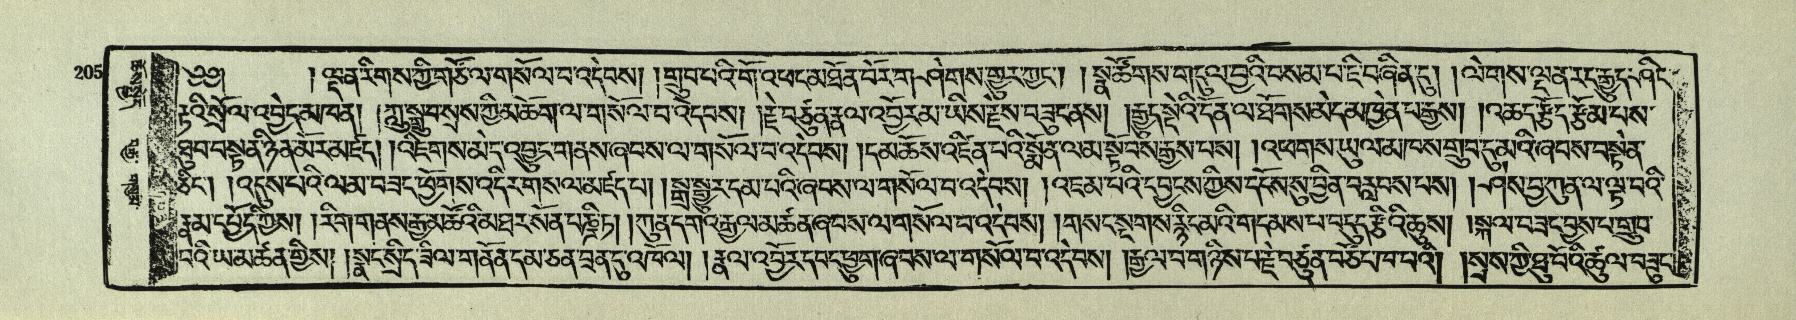༄༅། །ལྡན་རིགས་ཀྱི་གཙོ་ལ་གསོལ་བ་འདེབས། །གྲུབ་པའི་གོ་འཕང་མཐོན་བོར་གཤེགས་གྱུར་ཀྱང་། །སྣ་ཚོགས་གདུལ་བྱའི་བསམ་པ་ཇི་བཞིན་དུ། །ལེགས་ལྡན་རང་རྒྱུད་ཤིང་
རྟའི་སྲོལ་འབྱེད་མཁན། །ཀླུ་སྒྲུབ་སྲས་ཀྱི་མཆོག་ལ་གསོལ་བ་འདེབས། །རྗེ་བཙུན་རྣལ་འབྱོར་མ་ཡིས་རྗེས་བཟུང་ནས་།རྒྱུད་སྡེའི་དོན་ལ་ཐོགས་མེད་མཁྱེན་པ་རྒྱས། །འཆད་རྩོད་རྩོམ་པས་
ཐུབ་བསྟན་ཉིན་མོར་མཛད། །འཇིགས་མེད་འབྱུང་གནས་ཞབས་ལ་གསོལ་བ་འདེབས། །དམ་ཆོས་འཛིན་པའི་སྨོན་ལམ་སྟོབས་རྒྱས་པས། །འཕགས་ཡུལ་མཁས་གྲུབ་དུ་མའི་ཞབས་བསྟེན་
ཅིང་། །འདུས་པའི་ལམ་བཟང་ཕྱོགས་འདིར་གསལ་མཛད་པ། །སྒྲ་སྒྱུར་དམ་པའི་ཞབས་ལ་གསོལ་བ་འདེབས། །འཇམ་པའི་དབྱངས་ཀྱིས་དངོས་སུ་བྱིན་བརླབས་པས་།ཤེས་བྱ་ཀུན་ལ་ལྟ་བའི་
རྣམ་དཔྱོད་ཀྱིས། །རིག་གནས་རྒྱ་མཚོའི་མཐར་སོན་པཎྜི་ཏ། །ཀུན་དགའ་རྒྱལ་མཚན་ཞབས་ལ་གསོལ་བ་འདེབས། །གསང་སྔགས་རྙིང་མའི་གདམས་པ་བདུད་རྩིའི་ཆུས། །སྐལ་བཟང་བྱས་པ་གྲུབ་
པའི་ཡ་མཚན་གྱིས། །སྣང་སྲིད་ཟིལ་གནོན་དམ་ཅན་བྲན་དུ་འཁོལ། །རྣལ་འབྱོར་དབང་ཕྱུག་ཞབས་ལ་གསོལ་བ་འདེབས། །རྒྱལ་བ་གཉིས་པ་རྗེ་བཙུན་བཙོང་ཁ་པའི། །སྲས་ཀྱི་ཐུ་བོའི་ཚུལ་བཟུང་